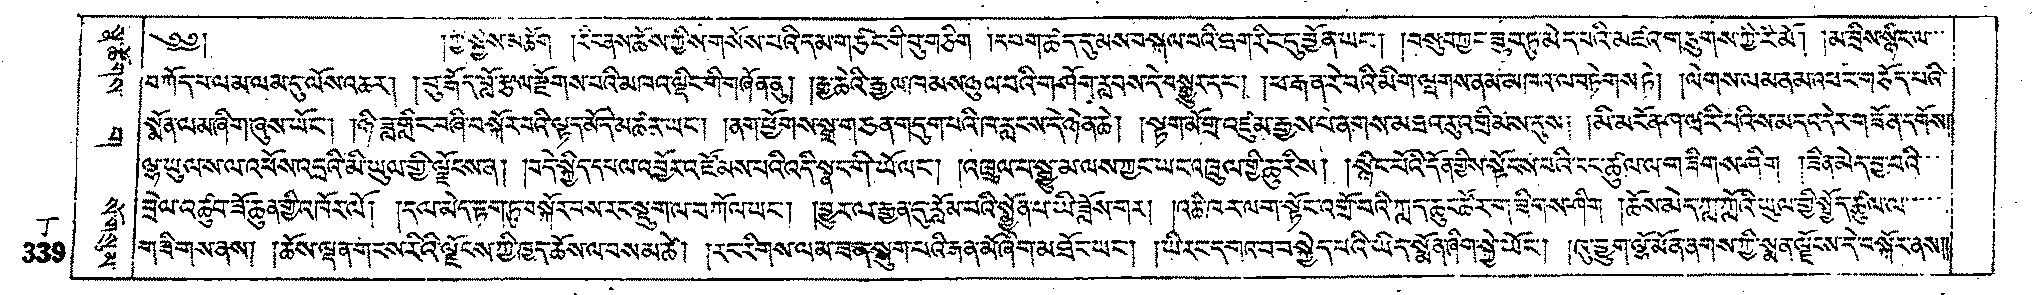༄༅། །ཀྱི་སྐྱེས་མཆོག །རིང་ནས་ཆོས་ཀྱིས་གསོས་པའི་དམ་གཙང་གི་བུ་གཅིག །དཔག་ཚད་དུ་མས་བསྐལ་བའི་ཐག་རིང་དུ་བྱོན་ཡང་། །བསུབ་ཀྱང་ཟུབ་ཏུ་མེད་པའི་མཛའ་གཅུགས་ཀྱི་རི་མོ། །མ་བྲིས་སྙིང་ལ་་་
བཀོད་པ་ལམ་ལམ་དུ་ལོས་འཆར། །བུ་རྒོད་བློ་རྩལ་རྫོགས་པའི་མཁའ་ལྡིང་གི་གཞོན་ནུ། །རྒྱ་ཆེའི་རྒྱལ་ཁམས་ཉུལ་བའི་གཤོག་རླབས་དེ་བསྒྱུར་དང་། །ཕ་རྒན་རེ་བའི་མིག་ལྤགས་ནམ་མཁའ་ལ་བཏེགས་ཏེ། །ལེགས་ལམ་ནམ་འཕང་གཅོད་པའི་
སྨོན་ལམ་ཞིག་ཞུས་ཡོང་། །ཉི་ཟླ་གླིང་བཞི་བསྐོར་བའི་ལྟད་མོ་དེ་མཚར་ཡང་། །ནག་ཕྱོགས་སྒྲ་གཅན་གདུག་པའི་ཁ་རླངས་དེ་ཉེན་ཆེ། །སྟག་མོ་གྲ་འཛུམ་རྒྱས་པ་ནགས་མཐའ་རུ་འགྲིམས་དུས། །མི་མངོན་ཤ་ཝ་རི་པའི་ས་མདའ་དེར་གཟོན་དགོས།
ལྷ་ཡུལ་ས་ལ་འཕོས་འདྲའི་མི་ཡུལ་གྱི་ལྗོངས་ན། །བདེ་སྐྱིད་དཔལ་འབྱོར་འཛོམས་པའི་འདི་སྣང་གི་ཡོ་ལང་། །འཁྲུལ་པ་སྒྱུ་མ་ལས་ཀྱང་ཡང་འཁྲུལ་གྱི་ཆུ་རིས། །སྙིང་པོའི་དོན་གྱིས་སྟོངས་པའི་ངང་ཚུལ་ལ་གཟིགས་ཤིག །ཟིན་མེད་བྱ་བའི་་་
བྲེལ་འཚུབ་ཟོ་ཆུན་གྱི་འཁོར་ལོ། །དལ་མེད་རྟག་ཏུ་བསྐོར་བས་རང་སྡུག་ལ་བཀོལ་ཡང་། །བྱུར་ལ་རྒྱན་དུ་རློམ་པའི་སྨྱོན་པ་ཡི་ཟློས་གར། །འཆི་ཁར་ལག་སྟོང་འགྲོ་བའི་ཀླད་ཆུང་ཚོར་གཟིགས་ཤིག །ཆོས་མེད་ཀླ་ཀློའི་ཡུལ་གྱི་སྤྱོད་ཚུལ་ལ་་་
གཟིགས་ནས། །ཆོས་ལྡན་གངས་རིའི་ལྗོངས་ཀྱི་ཁྱད་ཆོས་ལ་བསམ་ཚེ། །རང་རིགས་ལམ་ཟན་སྒུག་པའི་རྒན་མོ་ཞིག་མཐོང་ཡང་། །ཡི་རང་དགའ་བ་བསྐྱེད་པའི་ཡིད་སྨོན་ཞིག་སྐྱེ་ཡོང་། །ཁུ་བྱུག་ལྷོ་མོན་ནགས་ཀྱི་སྨན་ལྗོངས་དེ་བསྐོར་ནས།།